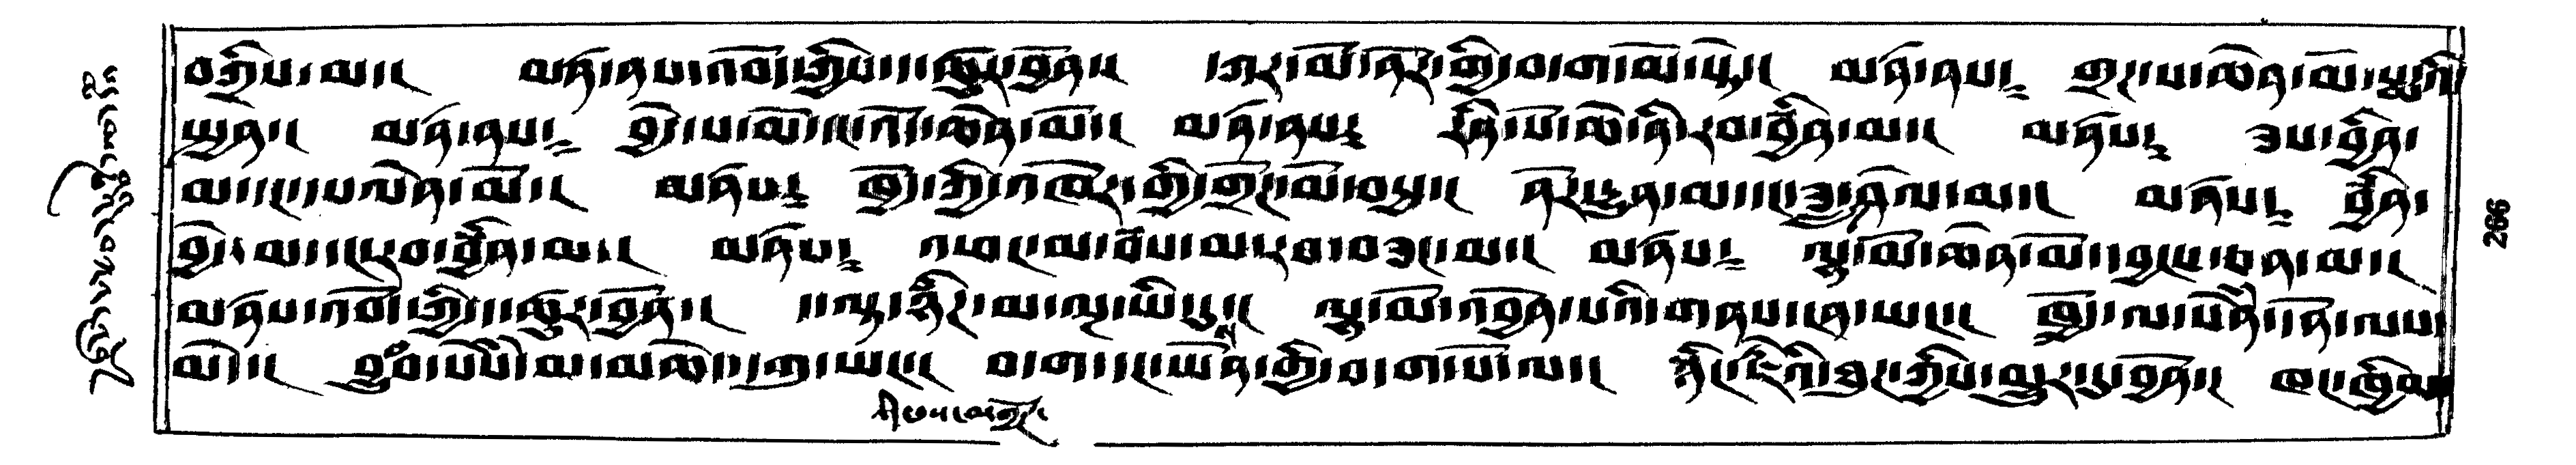བཀྲ་ཤིས་མ། །མཚན་ནས་འབོད་ཀྱིས་ད་ཚུར་བྱོན། །དཀར་མོ་ནོར་གྱི་བདག་མོ་སྟེ། །མཚན་ནས༴ གྲགས་པ་ཆེན་མོ་པདྨའི་
སྤྱན། །མཚན་ནས༴ བྱེད་པ་མོ་དང་འོད་ཆེན་མོ། །མཚན་ནས༴ རིན་པོ་ཆེ་ནི་རབ་སྦྱིན་མ། །མཚན་ནས༴ ཟས་བྱིན་
མ་དང་དཔལ་ཆེན་མོ། །མཚན་ནས་༴ ཁྱོད་ཀྱི་འཁོར་གྱི་གྲོགས་མོ་བརྒྱད། །ནོར་རྒྱུན་མ་དང་ཟླ་ཤེལ་མ། །མཚན་ནས༴ སྦྱིན་
བྱེད་མ་དང་རབ་སྦྱིན་མ། །མཚན་ནས༴ འཕགས་མ་སྦས་མ་རབ་བཟང་མ། །མཚན་ནས༴ ལྷ་མོ་ཆེན་མོ་དབྱངས་ཅན་མ། །
མཚན་ནས་འབོད་ཀྱི་ད་ཚུར་བྱོན། །ད་ལྟ་སྙིགས་མ་ལྔ་ཡི་དུས། །ལྷ་མོ་འབྱོན་པའི་གནས་ངན་ཡང་། །ཁྱོད་ལ་སེམས་ཅན་དོན་ལས་
མེད། །བྱང་ཆུབ་སེམས་མ་མཆེད་དགུ་ཡང་། །བདག་དང་ཡོན་གྱི་བདག་པོ་ལ། །སྙིང་རྗེའི་ཐུགས་ཀྱིས་མྱུར་དུ་བྱོན། །ཁང་ཁྱིམ་